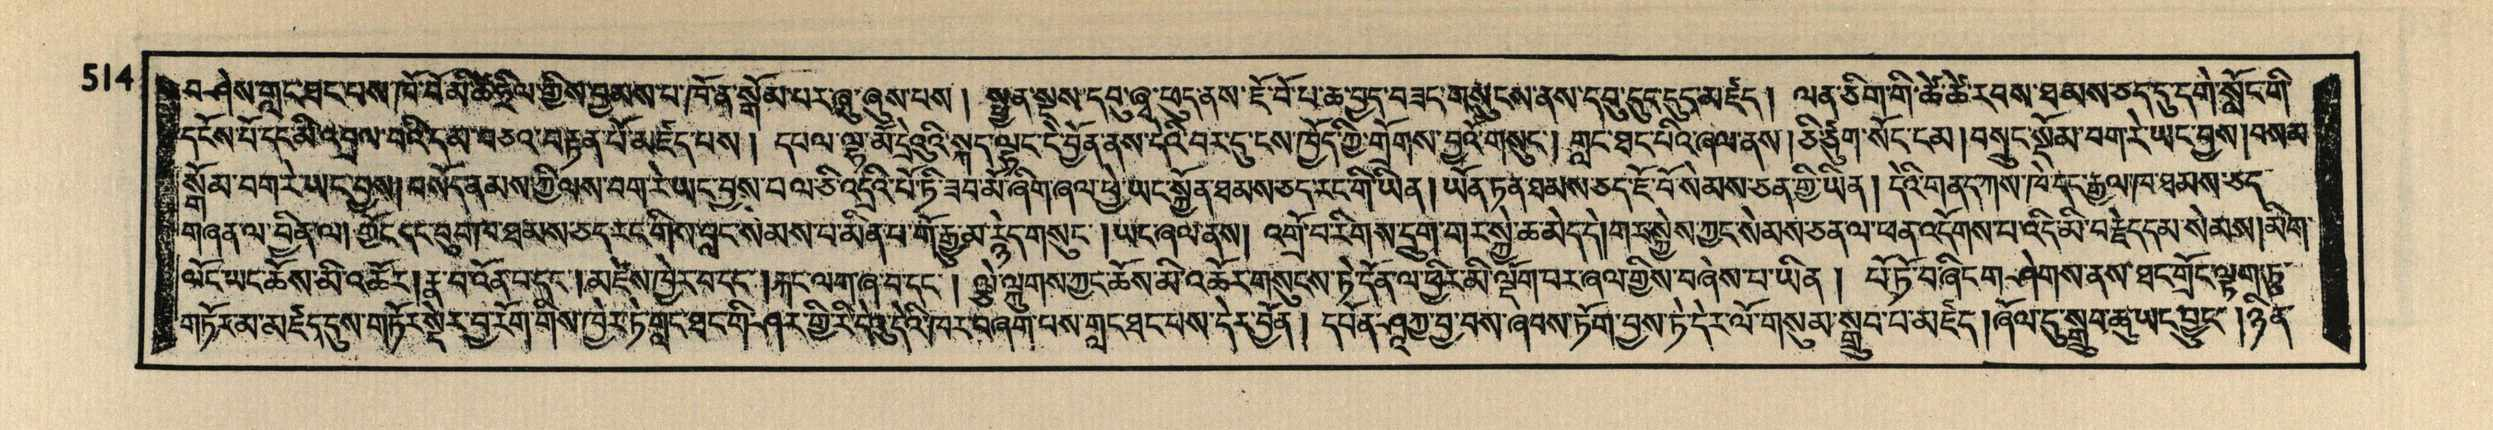བཤེས་གླང་ཐང་པས་ཁོ་བོ་མི་ཚེ་ཧྲིལ་གྱིས་བྱམས་པ་ཁོ་ན་སྒོམ་པར་ཞུ་ཞུས་པས། སྤྱན་སྔས་དབུ་ཞྭ་ཕུད་ནས་ཇོ་བོ་པ་ཆ་བྱད་བཟང་གསུངས་ནས་དབུ་དུང་དུད་མཛད། ལན་ཅིག་གི་ཚེ་ཚེ་རབས་ཐམས་ཅད་དུ་དགེ་སློང་གི་
དངོས་པོ་དང་མི་འབྲལ་བའི་དམ་བཅའ་བརྟན་པོ་མཛད་པས། དཔལ་ལྷ་མོ་དྲེའུའི་སྐད་ལྷང་ངེ་བྱོན་ནས་དེའི་བར་དུ་ངས་ཁྱོད་ཀྱི་གྲོགས་བྱའོ་གསུང་། གླང་ཐང་པའི་ཞལ་ནས། ཅི་ཙུག་སོང་ངམ། བསྲུང་སྡོམ་བག་རེ་ཡང་བྱས། བསམ་
སྒོམ་བག་རེ་ཡང་བྱས། བསོད་ནམས་ཀྱི་ལས་བག་རེ་ཡང་བྱས་བ་ལ་ཅི་འདྲའི་པོ་ཏི་ཟབ་མོ་ཞིག་ཞལ་ཕྱེ་ཡང་སྐྱོན་ཐམས་ཅད་རང་གི་ཡིན། ཡོན་ཏན་ཐམས་ཅད་ཇོ་བོ་སེམས་ཅན་གྱི་ཡིན། དེའི་གནད་ཀས་ཁེ་དང་རྒྱལ་ཁ་ཐམས་ཅད་
གཞན་ལ་བྱིན་ལ། གྱོང་དང་བུབ་ཁ་ཐམས་ཅད་རང་གིས་བླང་སེམས་པ་མིན་པ་གོ་རྒྱུ་མ་རྙེད་གསུང་།ཡང་ཞལ་ནས། འགྲོ་བ་རིགས་དྲུག་གར་སྐྱེ་ཆ་མེད་དེ། གར་སྐྱེས་ཀྱང་སེམས་ཅན་ལ་ཕན་འདོགས་པ་འདི་མི་བརྗེད་དམ་སེམས། མིག་
ལོང་ཡང་ཆོས་མི་འཆོར། རྣ་བ་འོན་པ་དང་། མཛེས་ཁྱེར་བ་དང་། རྐང་ལག་ཞ་བ་དང་། ལྕེ་ལྐུགས་ཀྱང་ཆོས་མི་འཆོར་གསུངས་ཏེ་དོན་ལ་ཕྱིར་མི་ལྡོག་བར་ཞལ་གྱིས་བཞེས་པ་ཡིན། པོ་ཏོ་བ་ཞིང་གཤེགས་ནས་ཐང་གྲོང་ལྟག་ཏུ་
གཏོར་མ་མཛད་དུས་གཏོར་སྡེར་བྱ་རོག་གིས་ཁྱེར་ཏེ་གླང་ཐང་གི་ཤར་གྱི་རི་དེའུ་དེའི་ཁར་བཞག་པས་གླང་ཐང་པས་དེར་བྱོན། དཔོན་ཤཱཀྱ་བྱ་བས་ཞབས་ཏོག་བྱས་ཏེ་དེར་ལོ་གསུམ་སྒྲུབ་པ་མཛད། ཞོལ་དུ་སྒྲུབ་ཆུ་ཡང་བྱུང་།ཉིན་